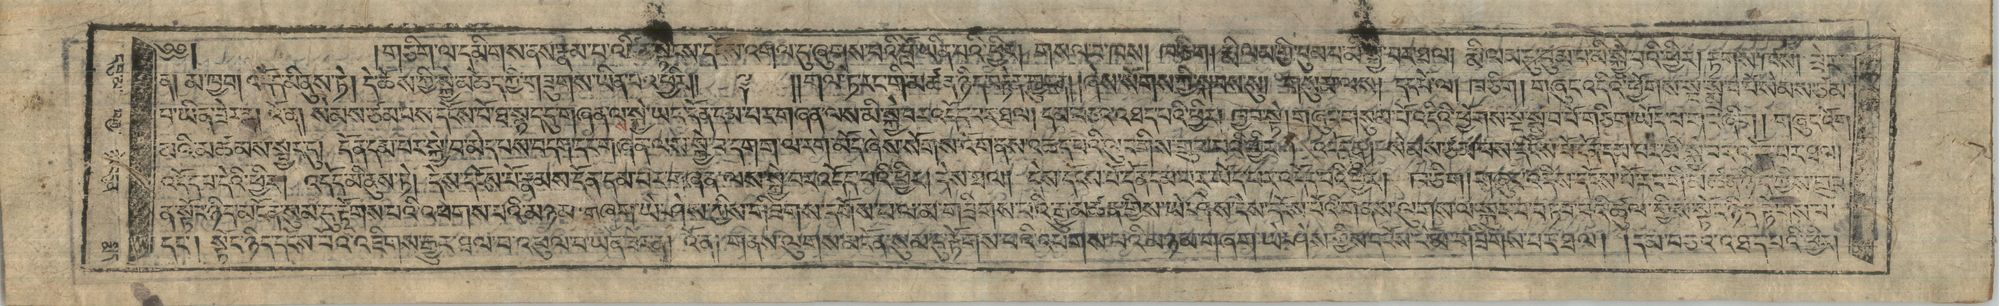༄༅། །གཅིག་ལ་དམིགས་ནས་རྣམ་པ་འཛིན་སྟངས་དངོས་འགལ་དུ་ཞུགས་པའི་བློ་ཡིན་པའི་ཕྱིར། གསལ་བ་ཁས། ཁ་ཅིག ། རྨི་ལམ་གྱི་བུམ་པ་མི་སྐྱེ་བར་ཐལ། རྨི་ལམ་དུ་བུམ་པ་མི་སྐྱེ་བའི་ཕྱིར། རྟགས་ཁས། ཟེར་
ན། མ་ཁྱབ། འདོད་མི་ནུས་ཏེ། དེ་ཆོས་ཀྱི་སྐྱེ་མཆེད་ཀྱི་གཟུགས་ཡིན་པའི་ཕྱིར།། ༈ །།གལ་ཏེ་རང་གི་མཚན་ཉིད་བརྟེན་གྱུར་ན། །ཞེས་སོགས་ཀྱི་སྐབས་སུ། གསུམ་ལས། དང་པོ་ལ། ཁ་ཅིག ། གཞུང་འདིའི་ཕྱོགས་སྔ་སྨྲ་བ་པོ་སེམས་ཙམ་
པ་ཡིན་ཟེར་ན། འོ་ན། སེམས་ཙམ་པས་དངོས་པོ་ཐ་སྙད་དུ་གཞན་ལས་སྐྱེ་ཡང་དོན་དམ་པར་གཞན་ལས་མི་སྐྱེ་བར་འདོད་པར་ཐལ། དམ་བཅའ་འཐད་པའི་ཕྱིར། ཁྱབ་སྟེ། གཞུང་གསུམ་པོ་འདིའི་ཕྱོགས་སྔ་སྨྲ་བ་པོ་གཅིག་ཡོད་པ་གང་ཞིག ། གཞུང་འོག་
མའི་མཚམས་སྦྱར་དུ། དོན་དམ་པར་སྐྱེ་བ་མེད་པས་བདག་དང་གཞན་ལས་སྐྱེ་བ་དགག་ལ་རག་མོད་ཞེས་སོགས་འོག་ནས་འཆད་པའི་ལུང་གིས་གྲུབ་པའི་ཕྱིར། འདོད་ན། སེམས་ཙམ་པས་དངོས་པོ་དོན་དམ་པར་མི་སྐྱེ་བར་འདོད་པར་ཐལ།
འདོད་པ་དེའི་ཕྱིར། འདོད་མི་ནུས་ཏེ། དེས་དངོས་པོ་རྣམས་དོན་དམ་པར་གཞན་ལས་སྐྱེ་བར་འདོད་པའི་ཕྱིར། དེས་ཐལ། དེས་དངོས་པོ་དོན་དམ་པར་ཡོད་པར་འདོད་པའི་ཕྱིར། ཁ་ཅིག ། གཞུང་འདིས་དངོས་པོ་རང་གི་མཚན་ཉིད་ཀྱིས་གྲུབ་
ན་སྟོང་ཉིད་མངོན་སུམ་དུ་རྟོགས་པའི་འཕགས་པའི་མཉམ་གཞག་ཡེ་ཤེས་ཀྱིས་གཟིགས་དགོས་པ་ལ་མ་གཟིགས་པའི་རྒྱུ་མཚན་གྱིས་ཡེ་ཤེས་དེས་དངོས་པོའི་གནས་ལུགས་ལ་སྐུར་བ་བཏབ་པའི་ཚུལ་གྱིས་སྟོང་ཉིད་རྟོགས་པ་
དང་། སྟོང་ཉིད་དངོས་པོའི་འཇིག་རྒྱུར་ཐལ་བ་འཕུལ་བ་ཡིན་ཟེར་ན། འོ་ན། གནས་ལུགས་མངོན་སུམ་དུ་རྟོགས་པའི་འཕགས་པའི་མཉམ་གཞག་ཡེ་ཤེས་ཀྱིས་དངོས་པོ་མ་གཟིགས་པར་ཐལ། །དམ་བཅའ་འཐད་པའི་ཕྱིར།